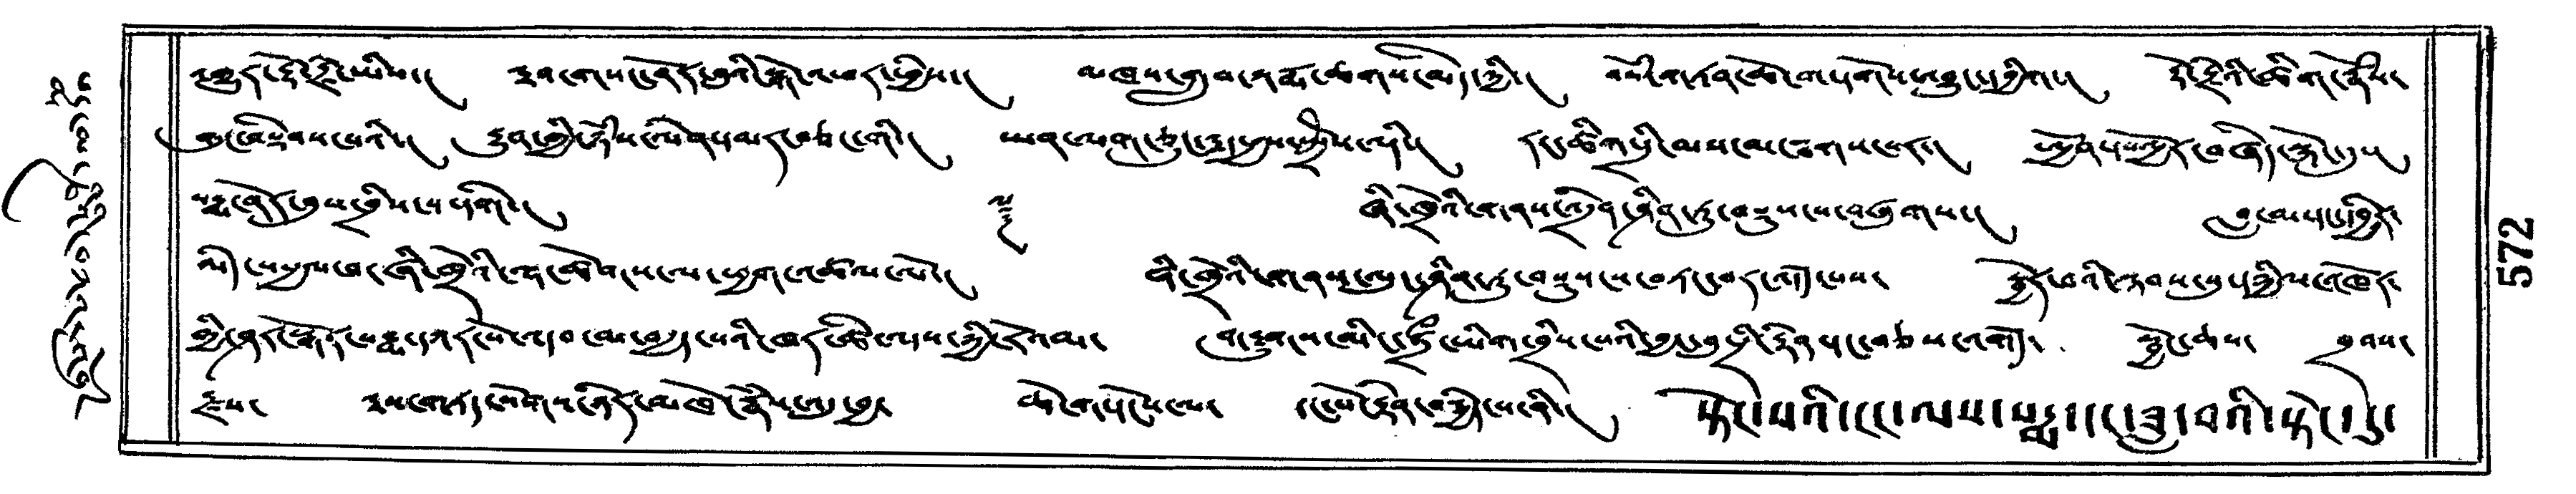འགྱུར་རྡོ་རྗེ་ཡིས། །ཟབ་གསང་ནོར་བུའི་སྒོ་འཕར་ཕྱེས། །མཁས་གྲུབ་ཀརྨ་ཆགས་མེད་ཀྱི། བསམ་གཏན་ཆོ་ག་དགོས་འབྱུང་དབྱིག །རྡོ་རྗེའི་ཚིག་རྣམས་
གུང་བསྡེབས་པའི། །རྒྱུན་གྱི་ཉམས་ལེན་དམར་བཅང་གི །ཡན་ལག་ཅུང་ཟད་རྒྱས་སྤྲོས་འདི། །རང་ཚིག་དྲི་མས་མ་སྦགས་པར། །ཨོ་རྒྱན་དཔལ་འབྱོར་བཞེད་སྐོང་དུ། །
པདྨ་ནོར་བུས་བྲིས་པ་དགེ ༈ ཞི་ཁྲོའི་གནས་འདྲེན་ཤིན་ཏུ་བསྡུས་པ་བཞུགས། བླ་མ་དང་དབྱེར་
མེད་པ་རྒྱལ་བ་ཞི་ཁྲོའི་ལྷ་ཚོགས་ལ་ཕྱག་འཚལ་ལོ། ཞི་ཁྲོའི་གནས་ལུང་ཤིན་ཏུ་བསྡུས་པ་གཏོང་བར་འདོད་པས། སྦྱོར་བའི་སྐབས་སུ་དཀྱིལ་འཁོར་
གྱི་ཤར་སྒོར་པདྨ་དཀར་པོ་འདབ་མ་བརྒྱད་པའི་ཁར་ཚེ་འདས་ཀྱི་རོའམ། གཟུགས་མིང་ནྲྀ་ཡིག་བྲིས་པའི་བྱང་བུ་དྲི་རྟེན་དང་བཅས་འགོད། སྦྱོང་ཆས། བྲབ་
རྫས། ཟས་གཏད་སོགས་ཉེར་མཁོ་རྣམས་འདུ་བྱ། ཆོ་ག་དངོས་ལ། དང་པོ་རྟེན་བསྐྱེད་པ་ནི། སྟོང་པའི་ངང་ལས་པདྨ་དང་ཟླ་བའི་སྟེང་དུ་